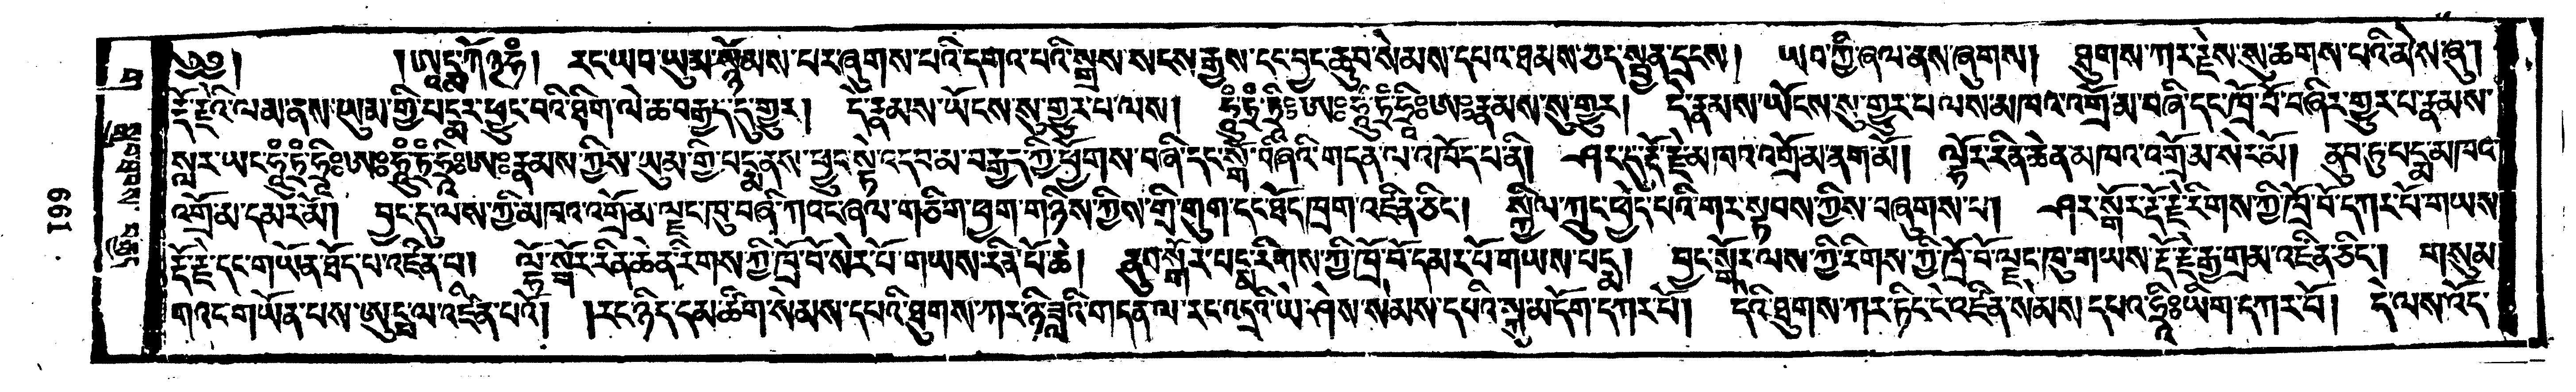༄༅། །ཨཱདམ་ཀོཉྷཾ། རང་ཡབ་ཡུམ་སྙོམས་པར་ཞུགས་པའི་དགའ་པའི་སྒྲས་སངས་རྒྱས་དང་བྱང་ཆུབ་སེམས་དཔའ་ཐམས་ཅད་སྦྱན་དྲངས། ཡབ་ཀྱི་ཞལ་ནས་ཞུགས། ཐུགས་ཀར་རྗེས་སུ་ཆགས་པའི་མེས་ཞུ།
རྡོ་རྗེའི་ལམ་ནས་ཡུམ་གྱི་པདམར་ཕྱུང་བའི་ཐིག་ལེ་ཆ་བརྒྱད་དུ་གྱུར། དེ་རྣམས་ཡོངས་སུ་གྱུར་པ་ལས། ཧཱུཾ་ཏྲཾ་ཏྲིཿ ཨཿཧཱུཾ་ཏྲཾ་ཧྲཱིཿ ཨཿརྣམས་སུ་གྱུར། དེ་རྣམས་ཡོངས་སུ་གྱུར་པ་ལས་མཁའ་འགྲོ་མ་བཞི་དང་ཁྲོ་བོ་བཞིར་གྱུར་པ་རྣམས་
སླར་ཡང་ཧཱུཾ་ཏྲཾ་ཧྲཱིཿ ཨཿ ཧཱུཾ་ཏྲཾ་ཧྲཱིཿཨཿ རྣམས་ཀྱིས་ཡུམ་གྱི་པདམ་ནས་ཕྱུབ་སྟེ་འདབ་མ་བརྒྱད་ཀྱི་ཕྱོགས་བཞི་དང་སྒོ་བཞིའི་གདན་ལ་འཁོད་པ་ནི། ཤར་དུ་རྡོ་རྗེ་མཁའ་འགྲོ་མ་ནག་མོ། ལྷོར་རིན་ཆེན་མཁའ་འགྲོ་མ་སེར་མོ། ནུབ་ཏུ་པདམ་མཁའ་
འགྲོ་མ་དམར་མོ། བྱང་དུ་ལས་ཀྱི་མཁའ་འགྲོ་མ་ལྗང་ཁུ་བཞི་ཀའང་ཞལ་གཅིག་ཕྱག་གཉིས་ཀྱིས་གྲི་གུག་དང་ཐོད་ཁྲག་འཛིན་ཅིང་། སྐྱིལ་ཀྲུང་ཕྱེད་པའི་གར་སྟབས་ཀྱིས་བཞུགས་པ། ཤར་སྒོར་རྡོ་རྗེ་རིགས་ཀྱི་ཁྲོ་བོ་དཀར་པོ་གཡས་
རྡོ་རྗེ་དང་གཡོན་ཐོད་པ་འཛིན་པ། ལྷོ་སྒོར་རིན་ཆེན་རིགས་ཀྱི་ཁྲོ་བོ་སེར་པོ་གཡས་རིན་པོ་ཆེ། ནུབ་སྒོར་པདམ་རིགས་ཀྱི་ཁྲོ་བོ་དམར་པོ་གཡས་པདམ། བྱང་སྒོར་ལས་ཀྱི་རིགས་ཀྱི་ཁྲོ་བོ་ལྗང་ཁུ་གཡས་རྡོ་རྗེ་རྒྱ་གྲམ་འཛིན་ཅིང་། གསུམ་
གའང་གཡོན་པས་ཨུདཔ་ལ་འཛིན་པའོ། །རང་ཉིད་དམ་ཚིག་སེམས་དཔའི་ཐུགས་ཀར་ཉི་ཟླའི་གདན་ལ་རང་འདྲའི་ཡེ་ཤེས་སེམས་དཔའི་སྐུ་མདོག་དཀར་པོ། དེའི་ཐུགས་ཀར་ཏིང་ངེ་འཛིན་སེམས་དཔའ་ཧྲཱིཿཡིག་དཀར་པོ། དེ་ལས་འོད་